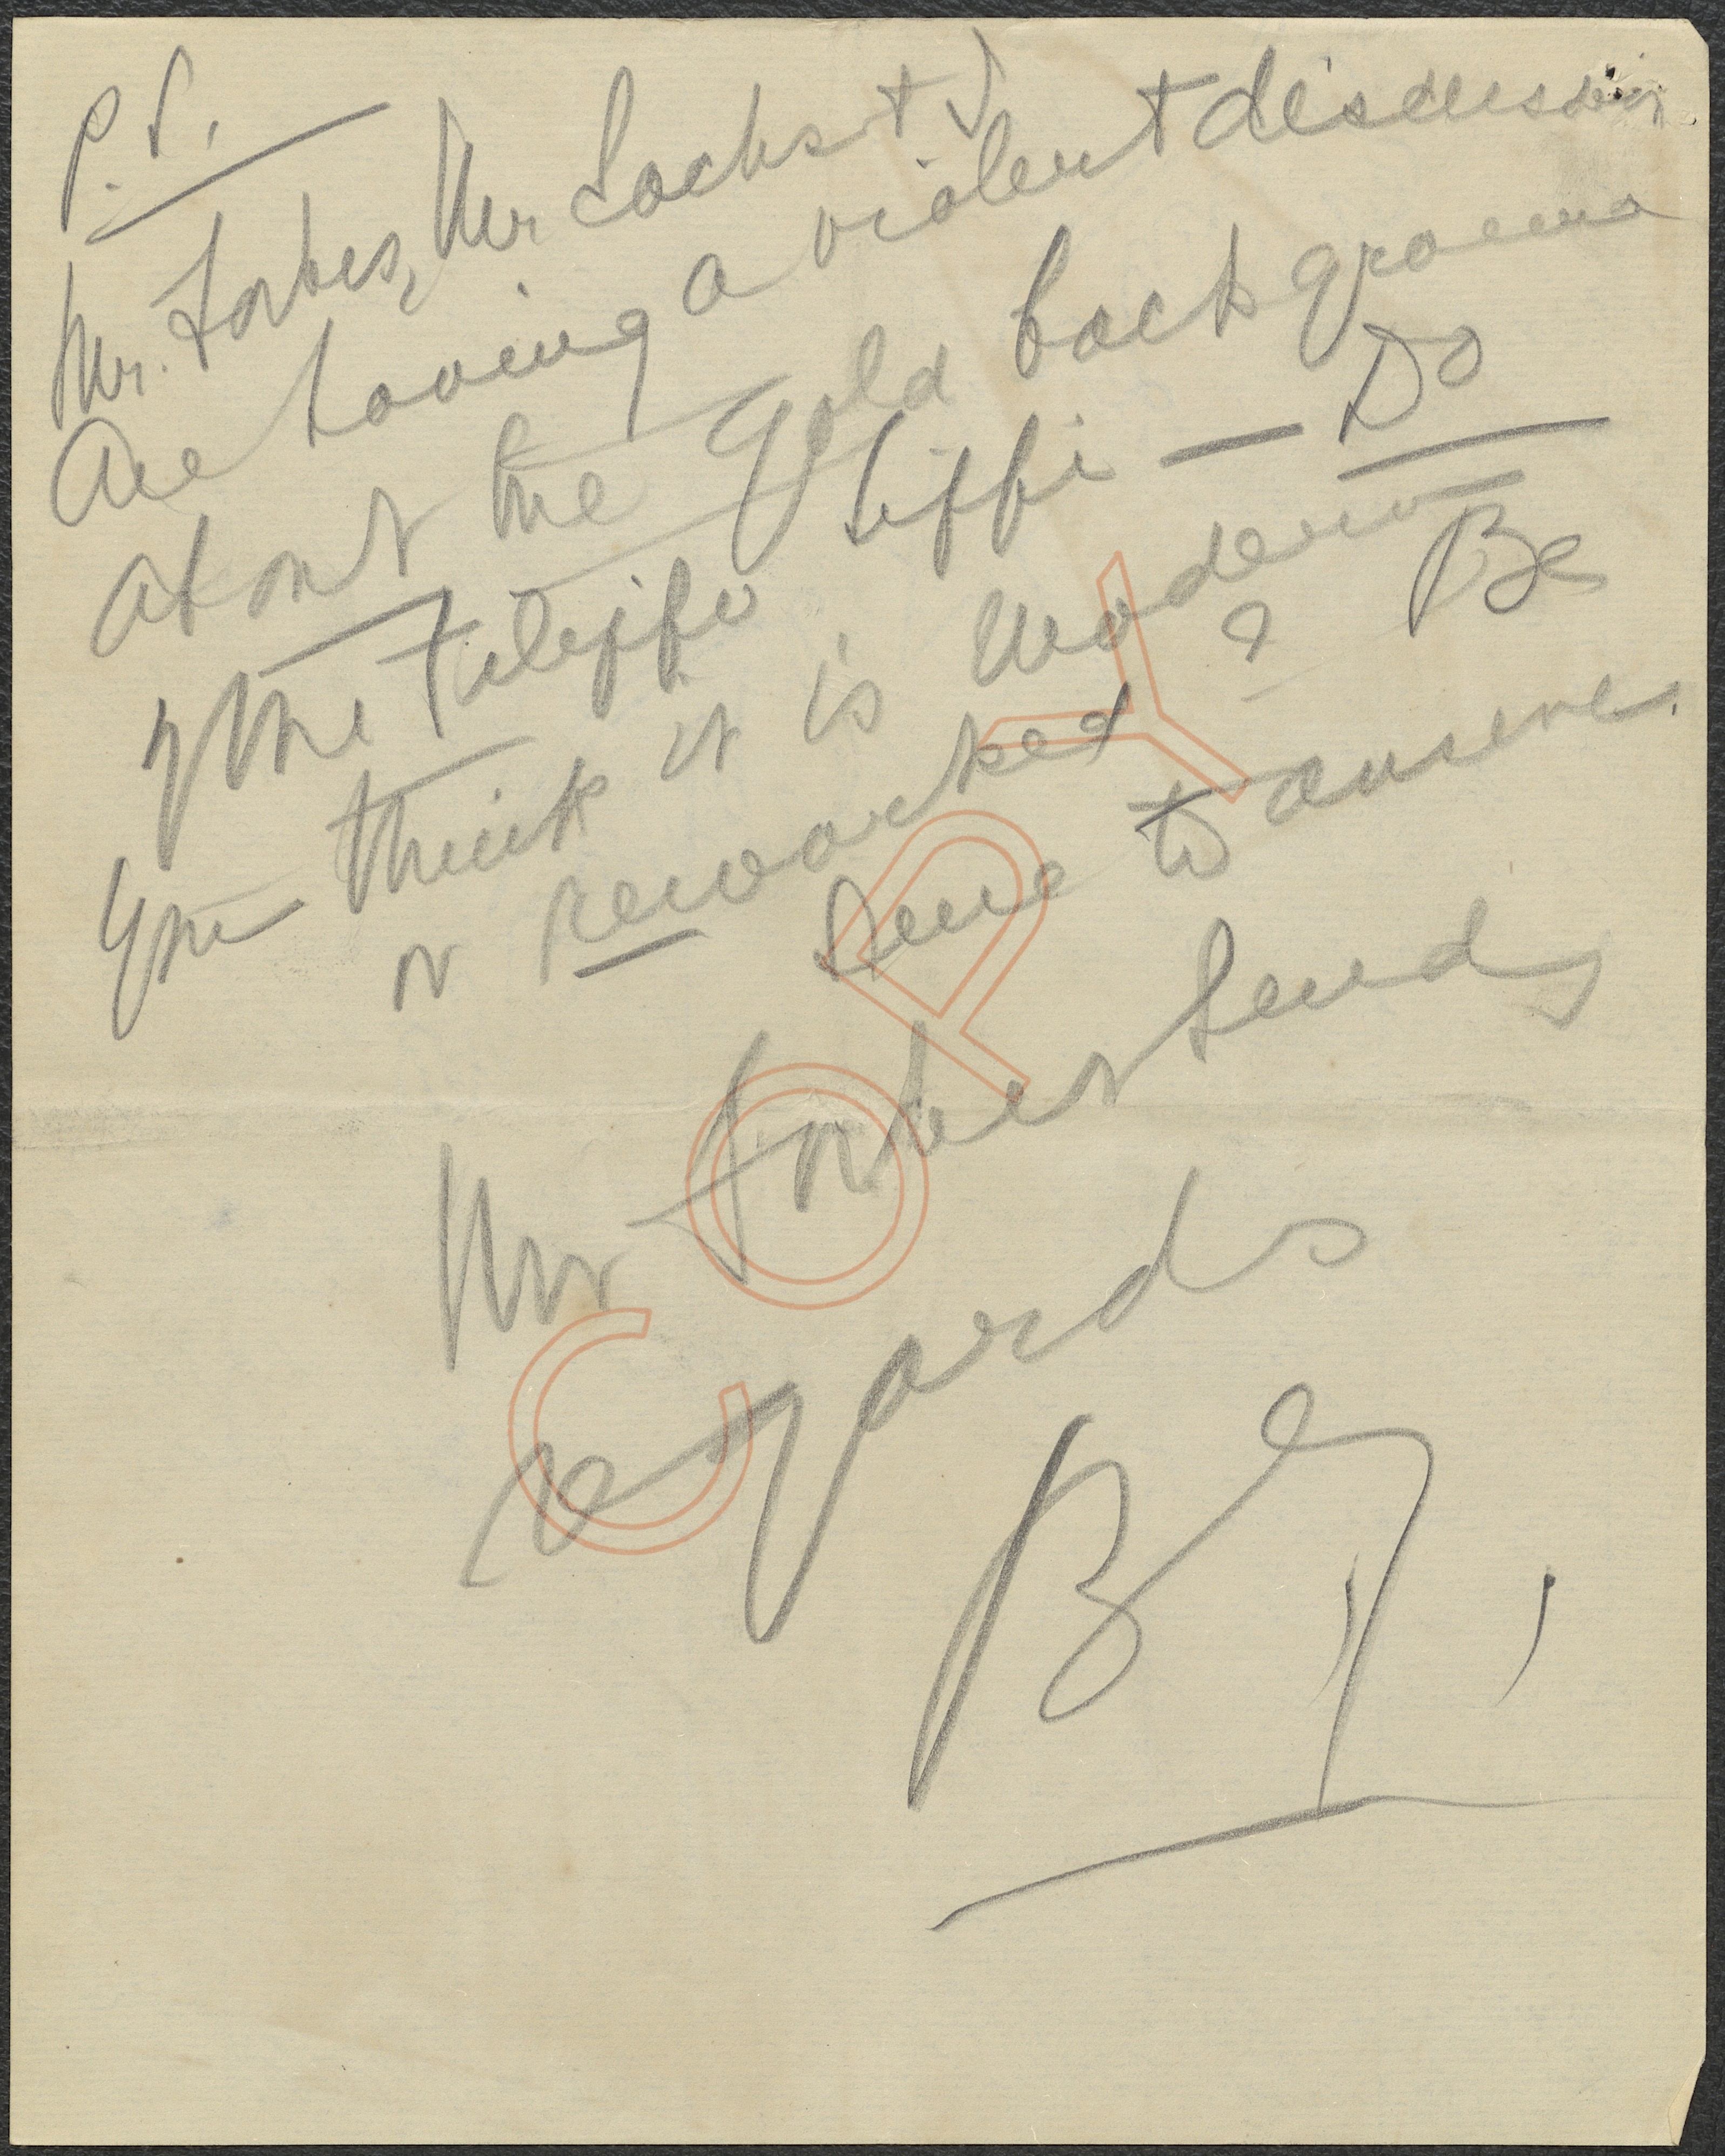P.S.
Mr. Forbes, Mr. Sachs & I are having a violent discussion about the gold background of the Filippo Lippi – Do you think it is modern or reworked? Be sure to answer Mr Forbes sends regards BG